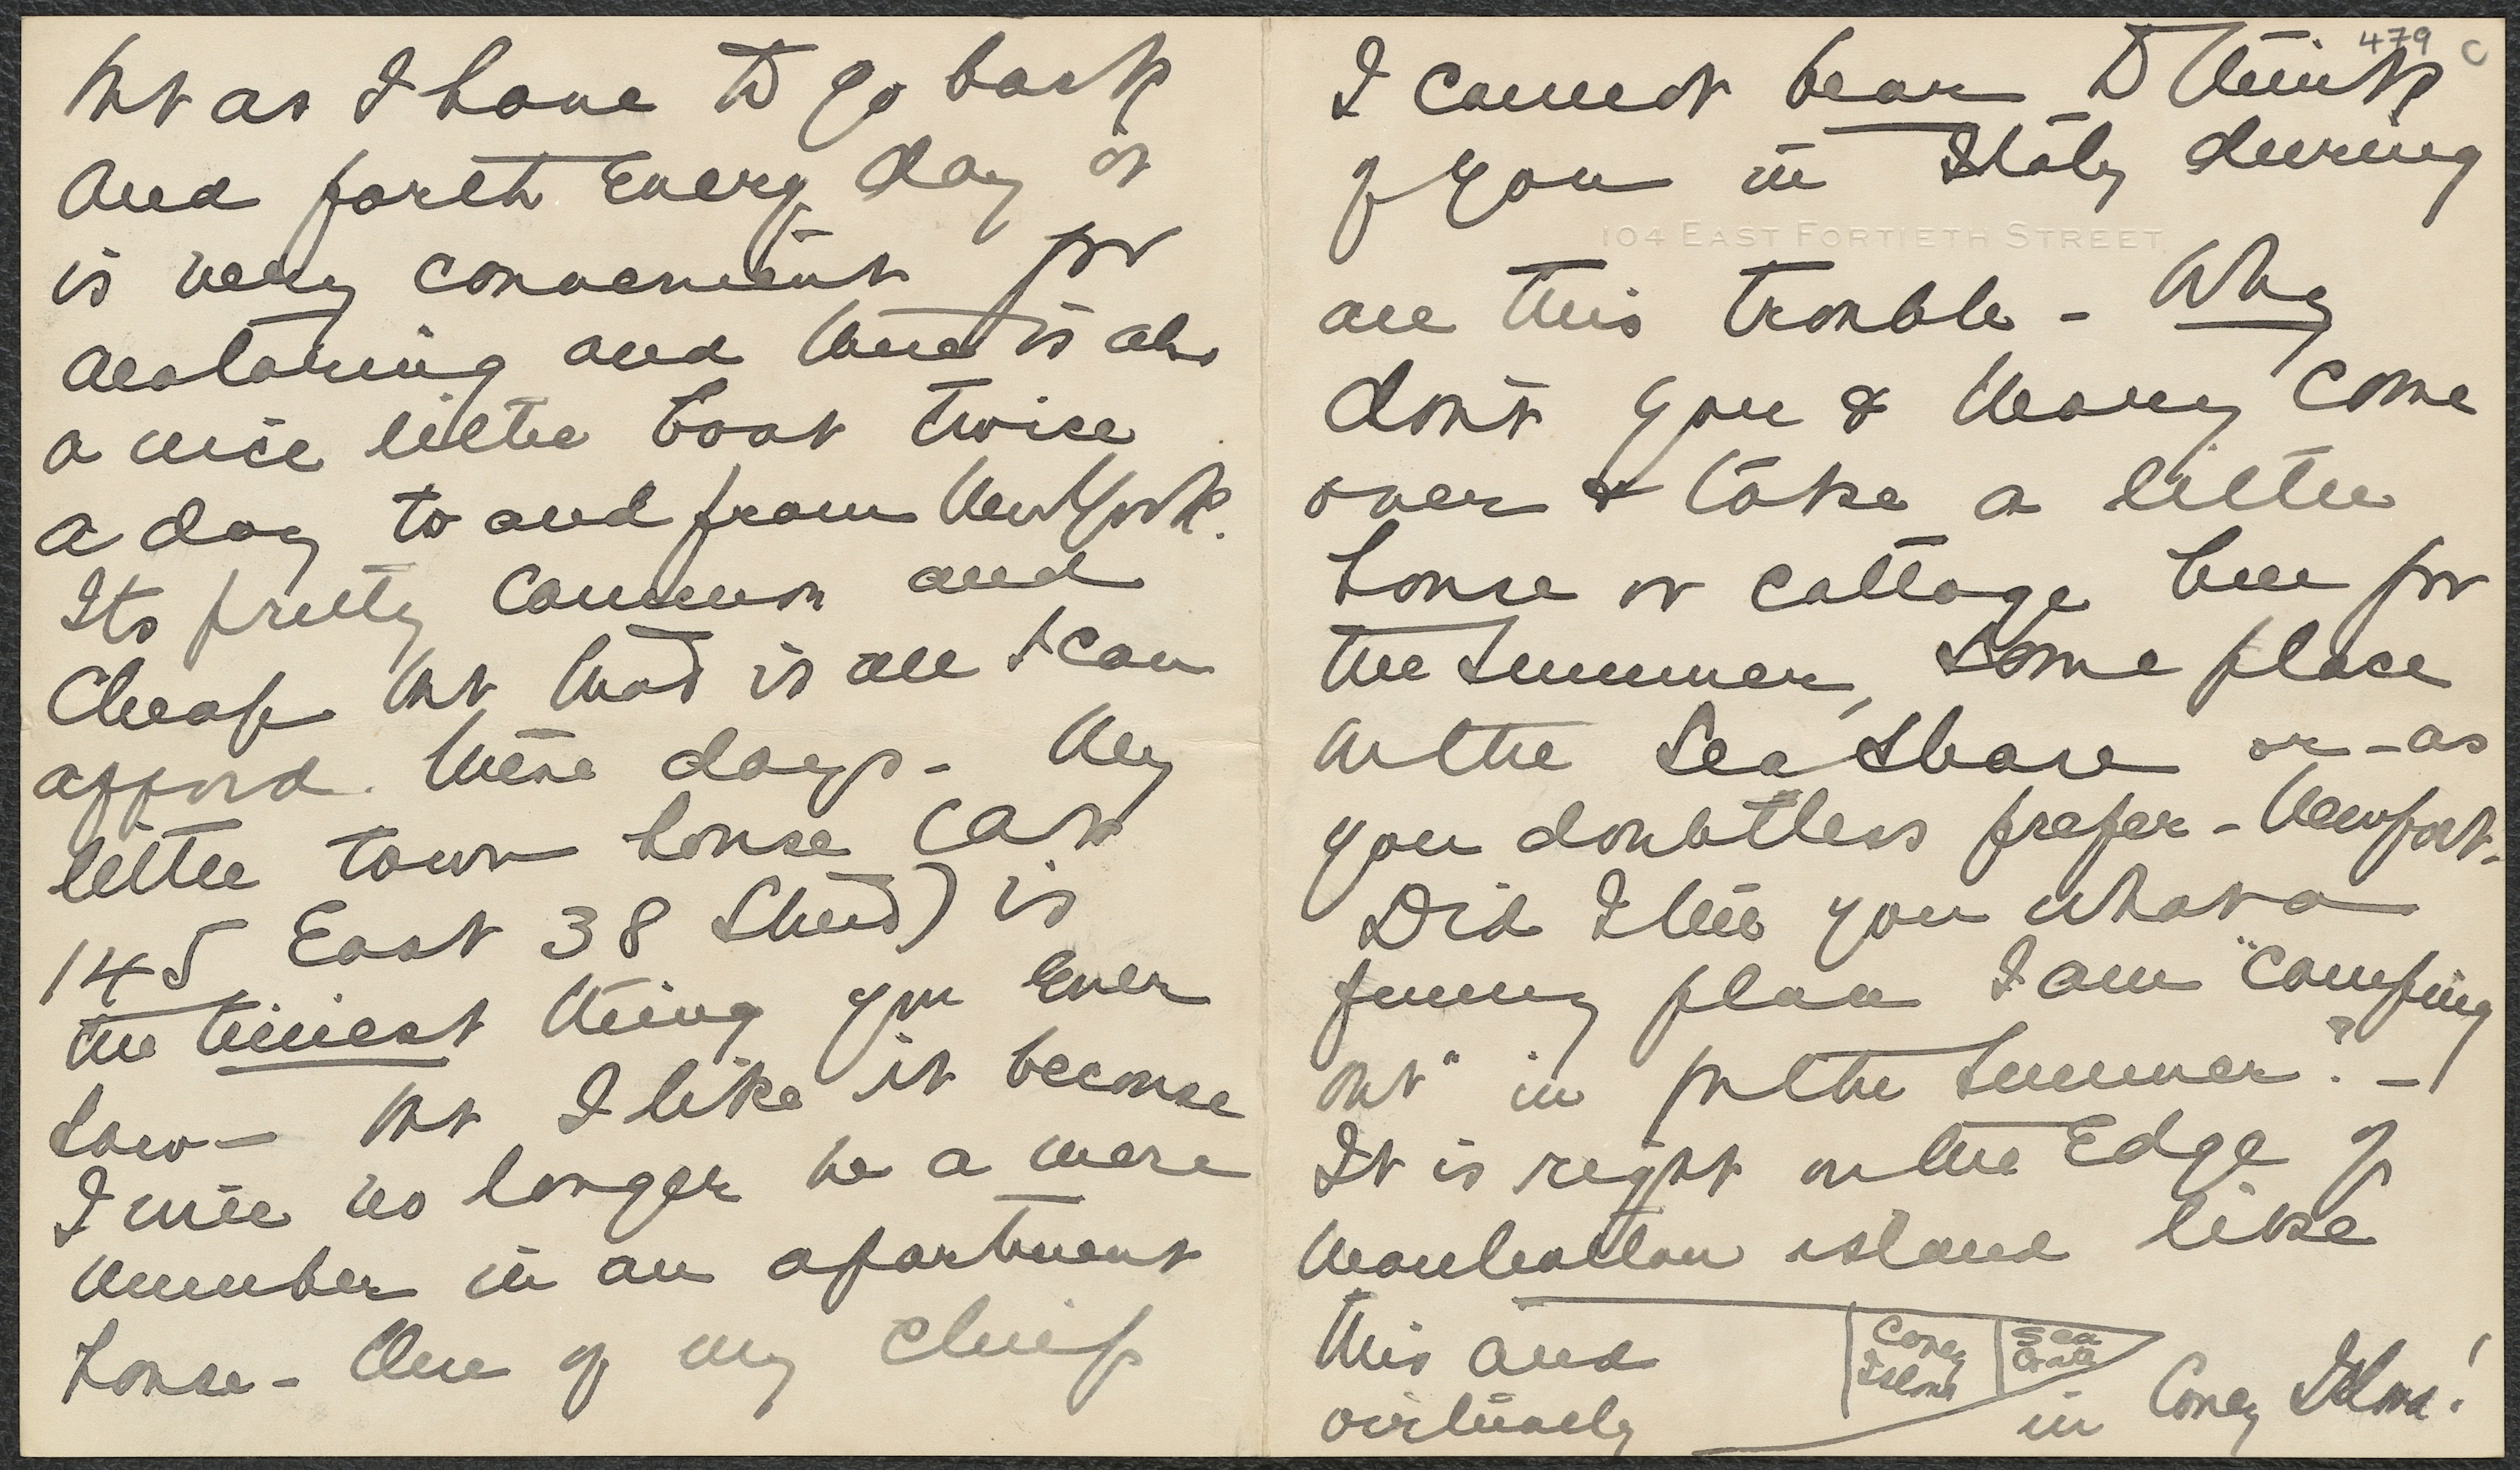I cannot bear to think of you in Italy during all this trouble – Why don’t you & Mary come over & take a little house or cottage here for the summer, some place on the sea shore or – as you doubtless prefer – Newport. Did I tell you what a funny place I am “camping out” in for the summer? – It is right on the edge of Manhattan island like this and virtually [sketch of a sideways triangle with “Sea Gate” written at the point and Coney Island written toward the base] in Coney Island!
but as I have to go back and forth every day it is very convenient for motoring and there is also a nice little boat twice a day to and from New York. Its [sic] pretty common and cheap but that is all I can afford these days – my little town house (at 145 East 38 Street) is the tiniest thing you ever saw – but I like it because I will no longer be a mere number in an apartment house – One of my chief